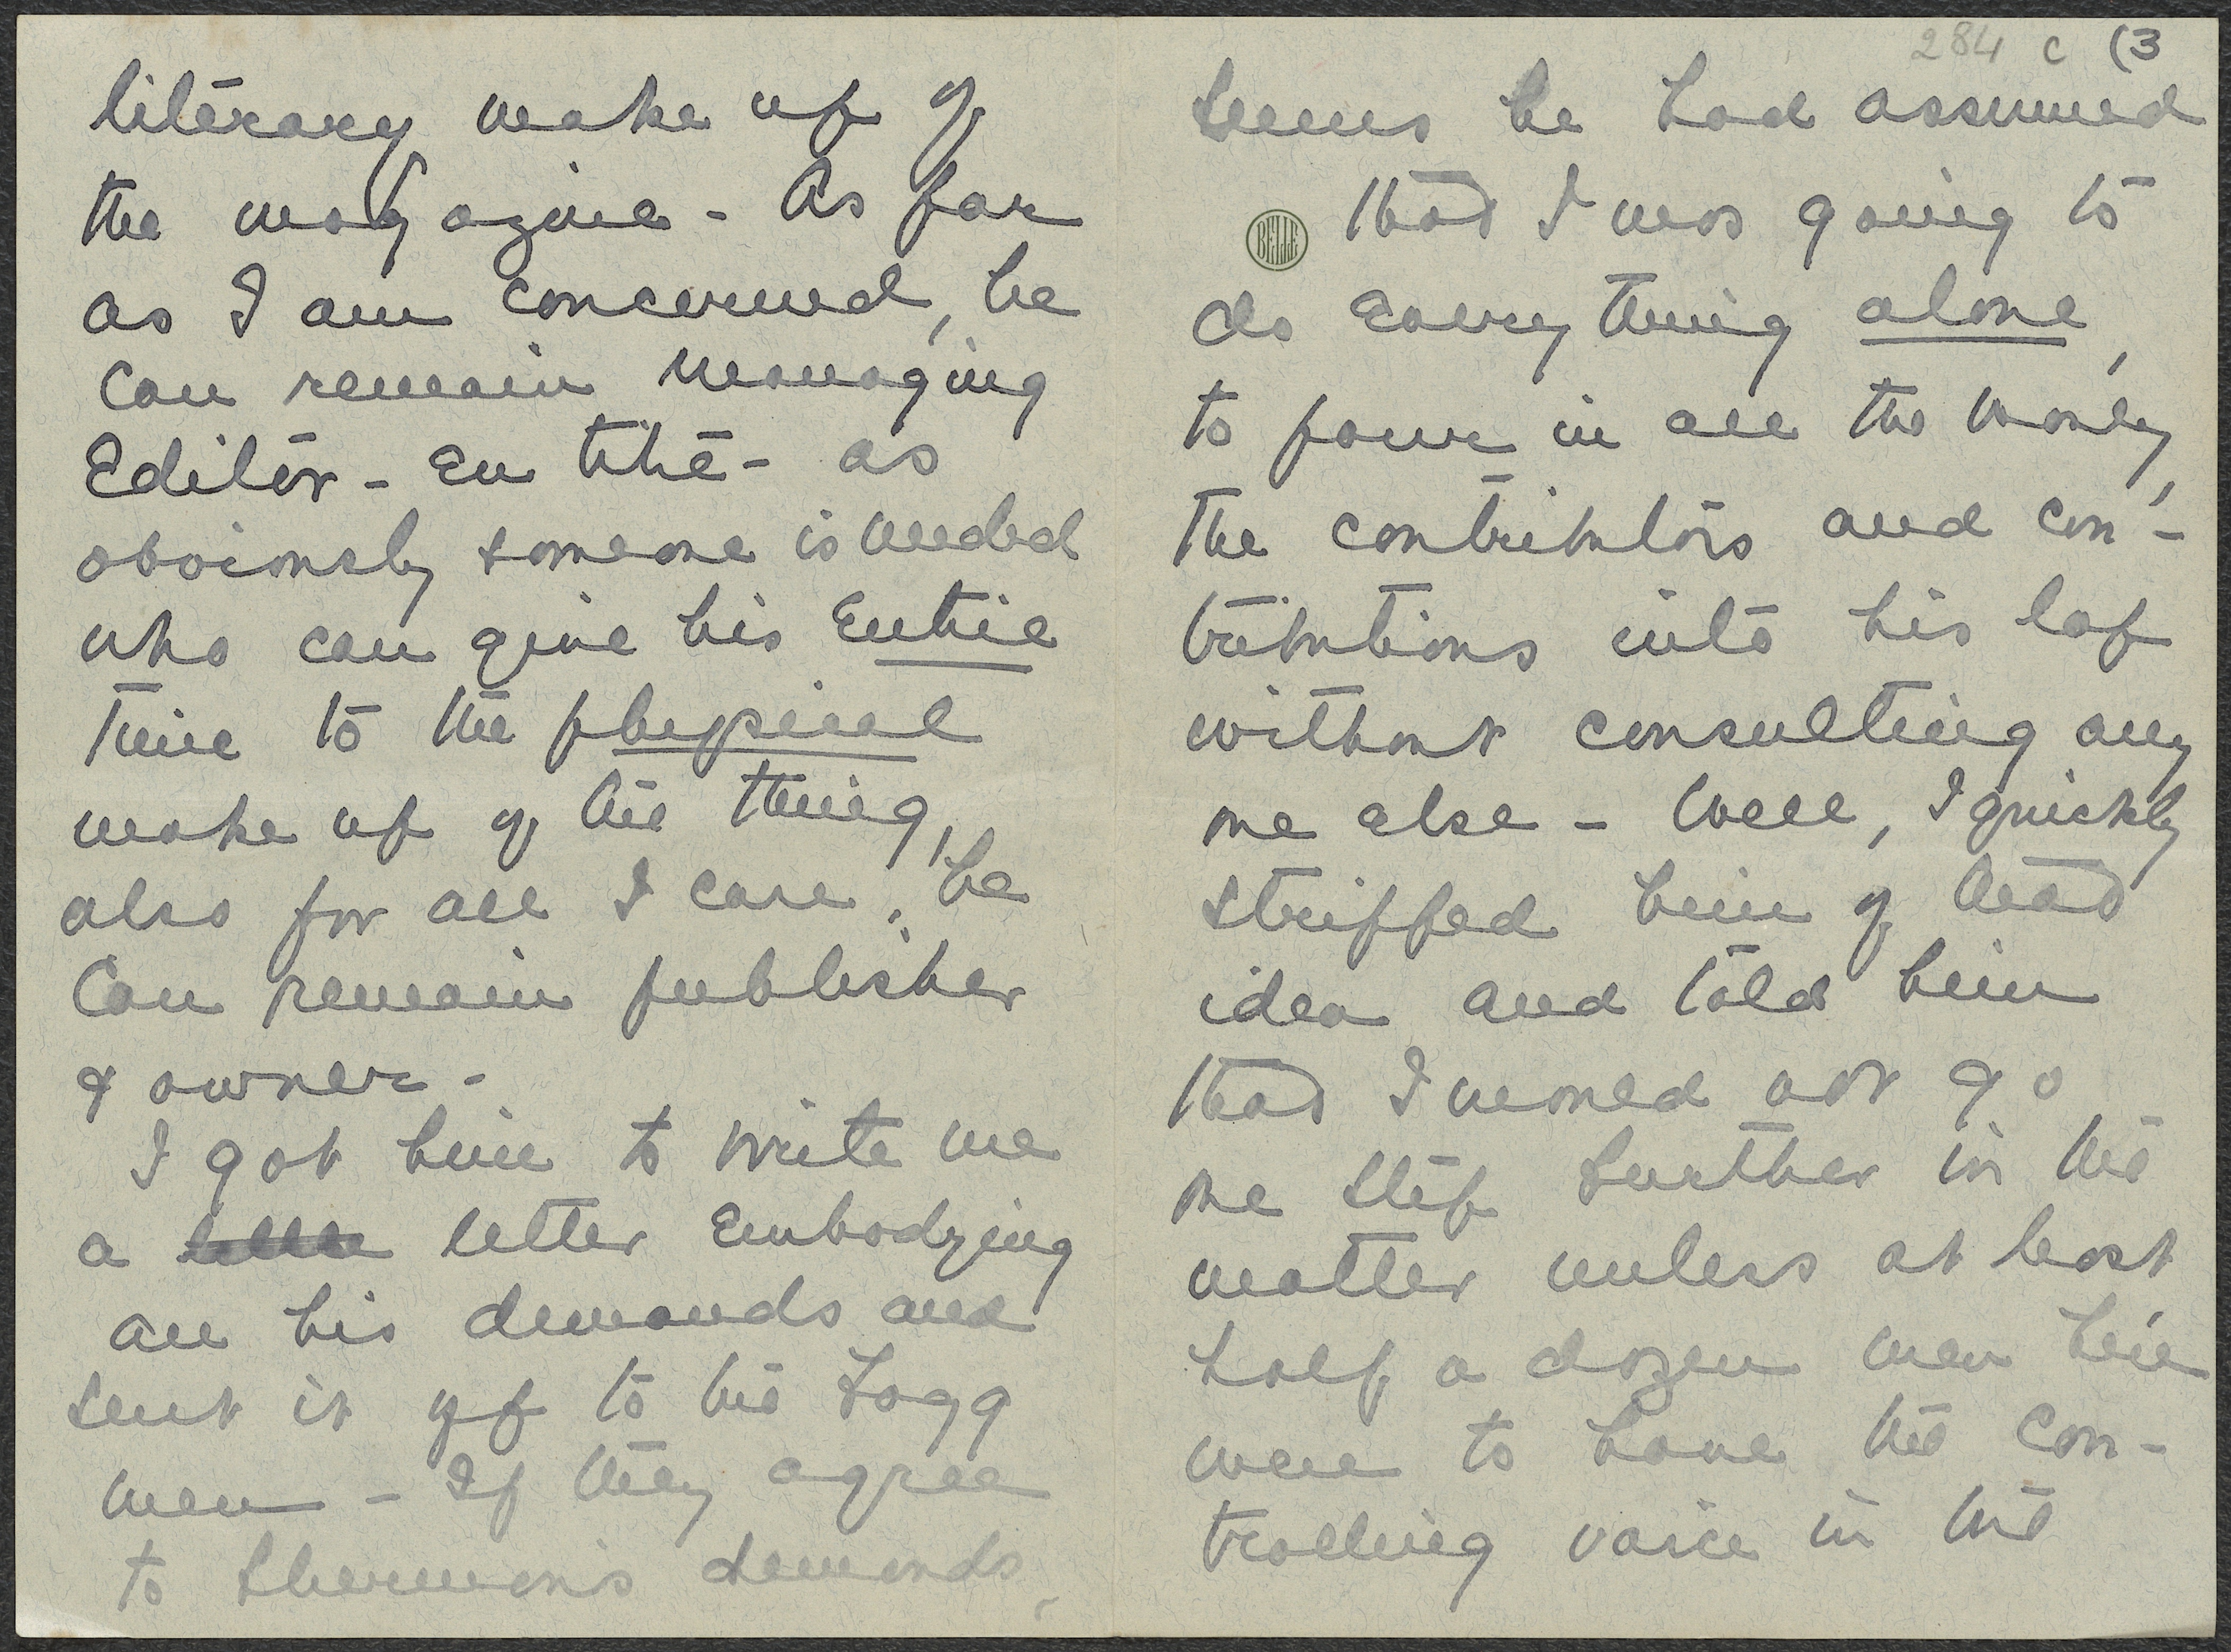seems he had assumed that I was going to do everything alone, to pour in all the money, the contributors and contributions into his lap without consulting any one else – Well, I quickly stripped him of that idea and told him that I would not go one step further in the matter unless at least half a dozen men here were to have the controlling voice in the
literary makeup of the magazine – As far as I am concerned, he can remain managing Editor – en titre – as obviously someone is needed who can give his entire time to the physical makeup of the thing, also for all I care, he can remain publisher & owner –
I got him to write me a lettle letter embodying all his demands and sent it up to the Fogg men – If they agree to Sherman’s demands,